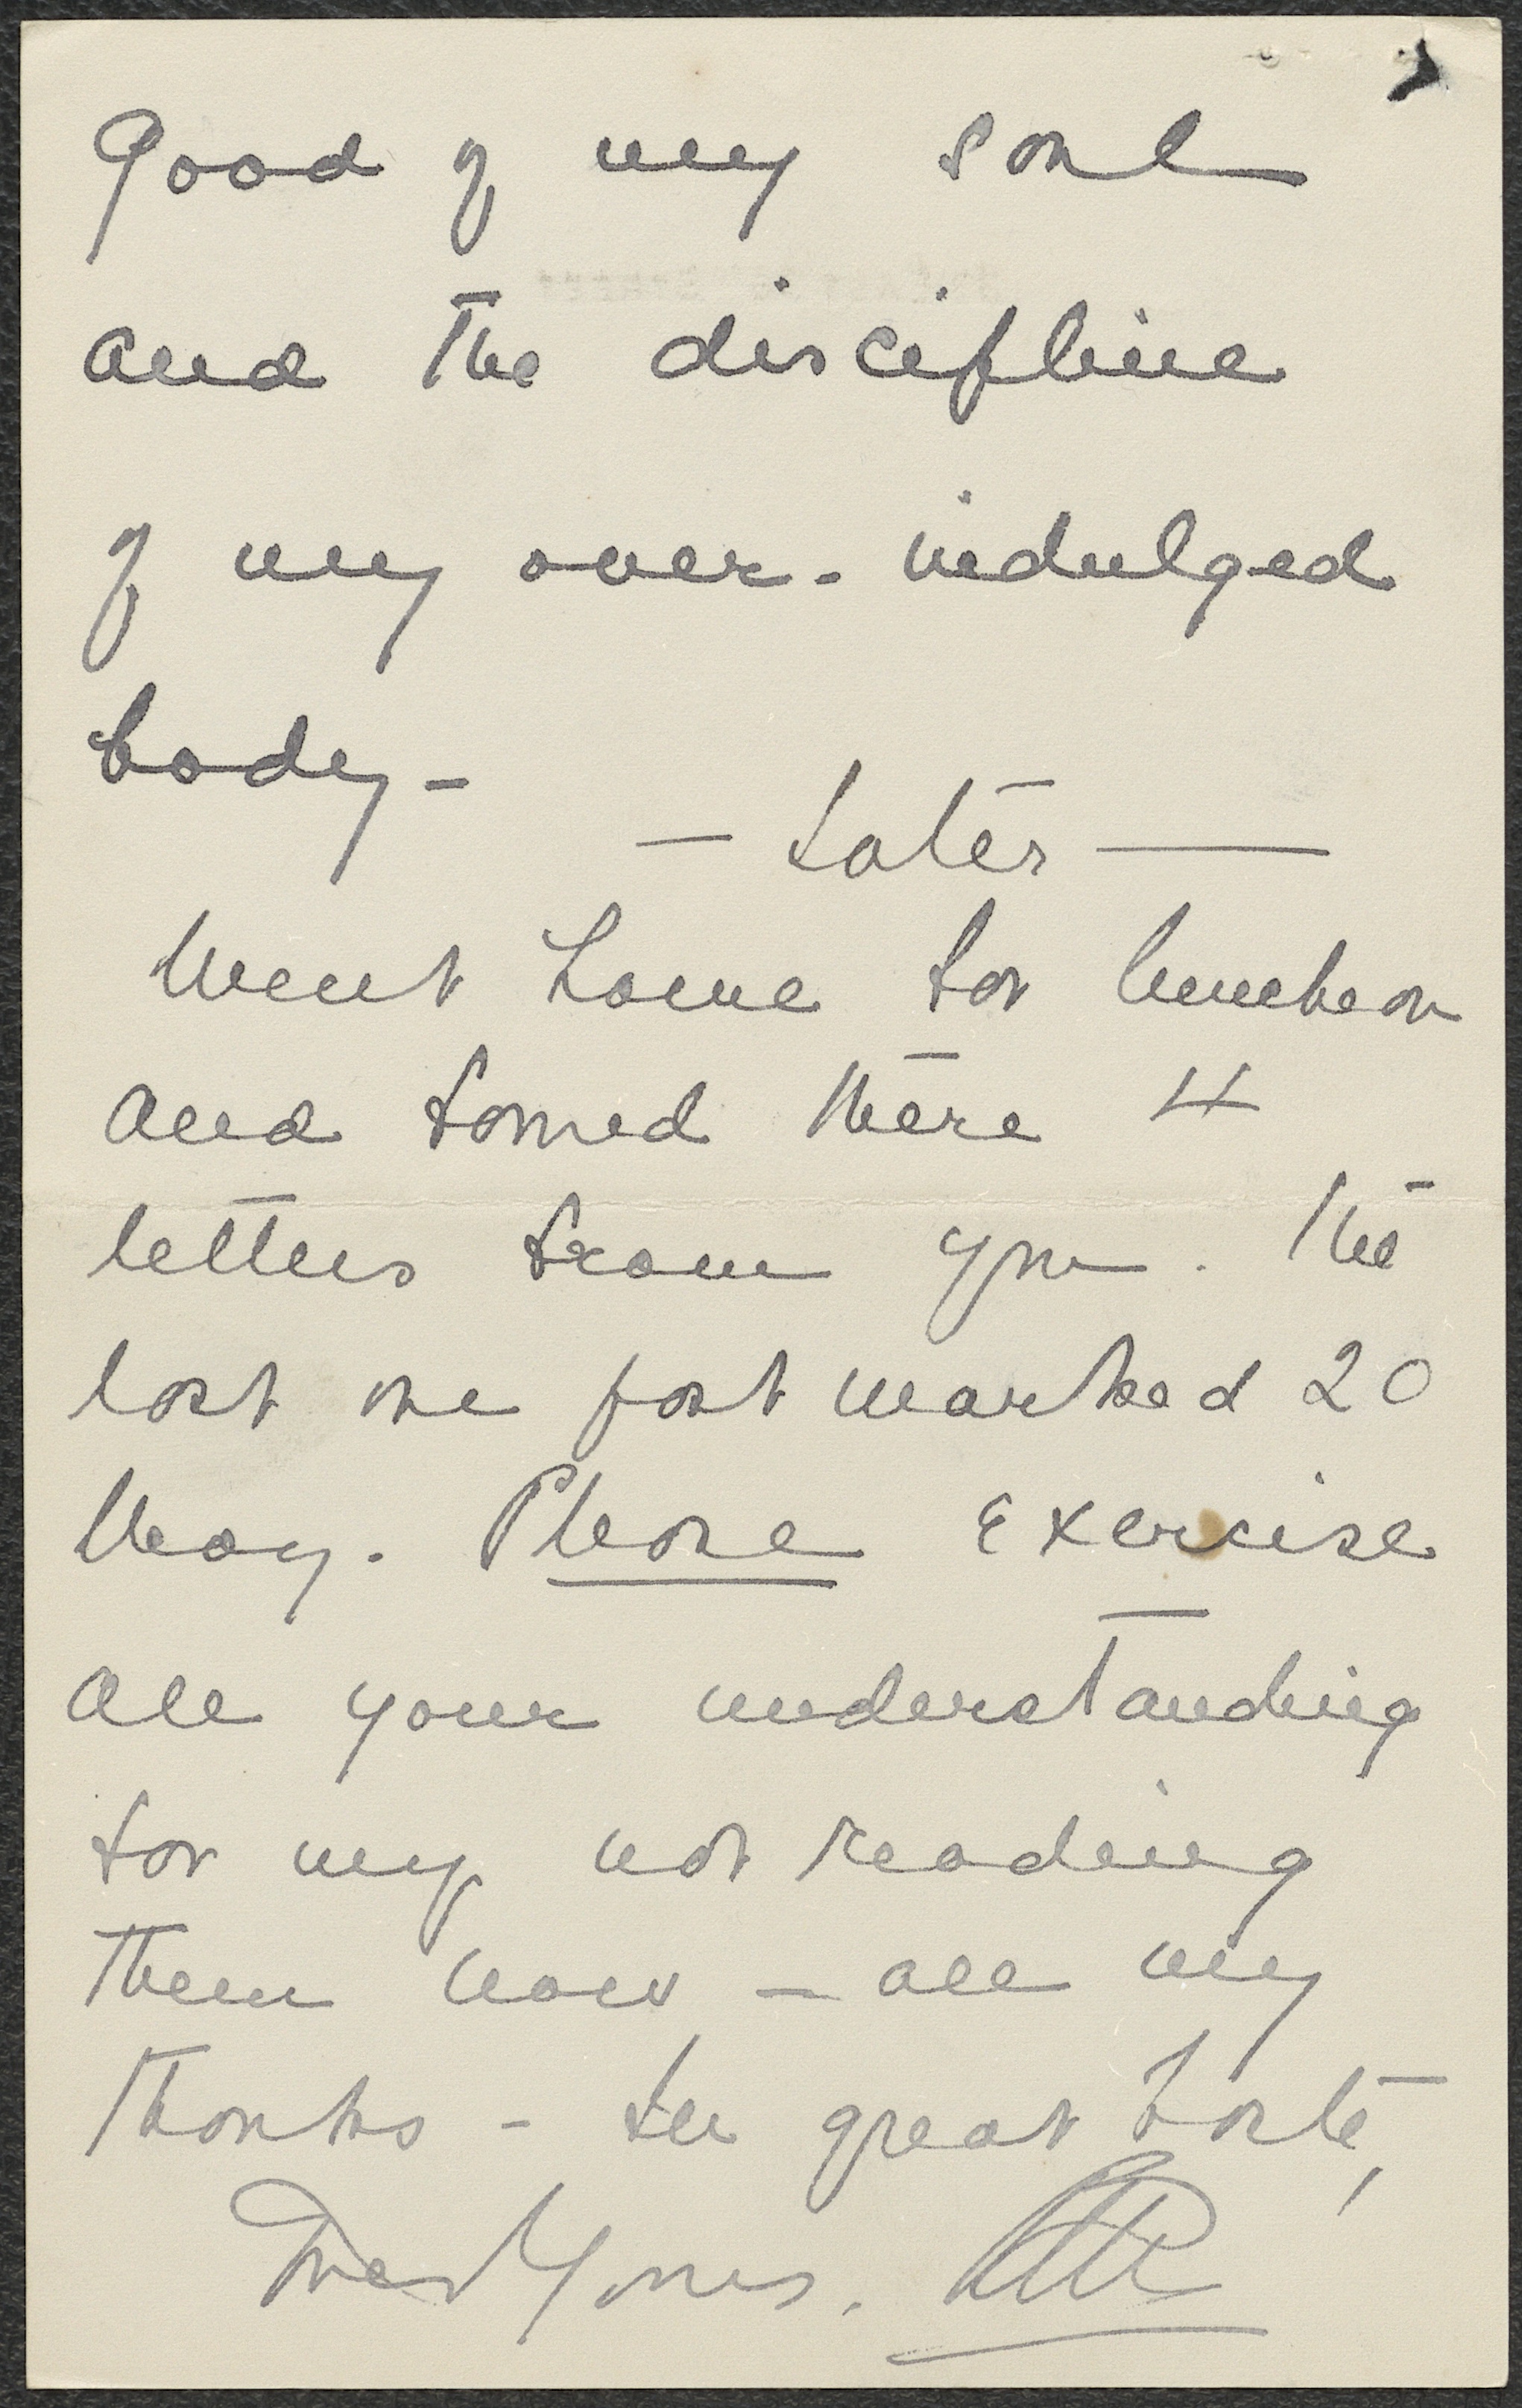good of my soul and the discipline of my over-indulged body –
– Later –
Went home for luncheon and found there 4 letters from you. The last one post marked 20 May. Please exercise all your understanding for my not reading them now – all my thanks – In great haste,
Ever Yours, Belle